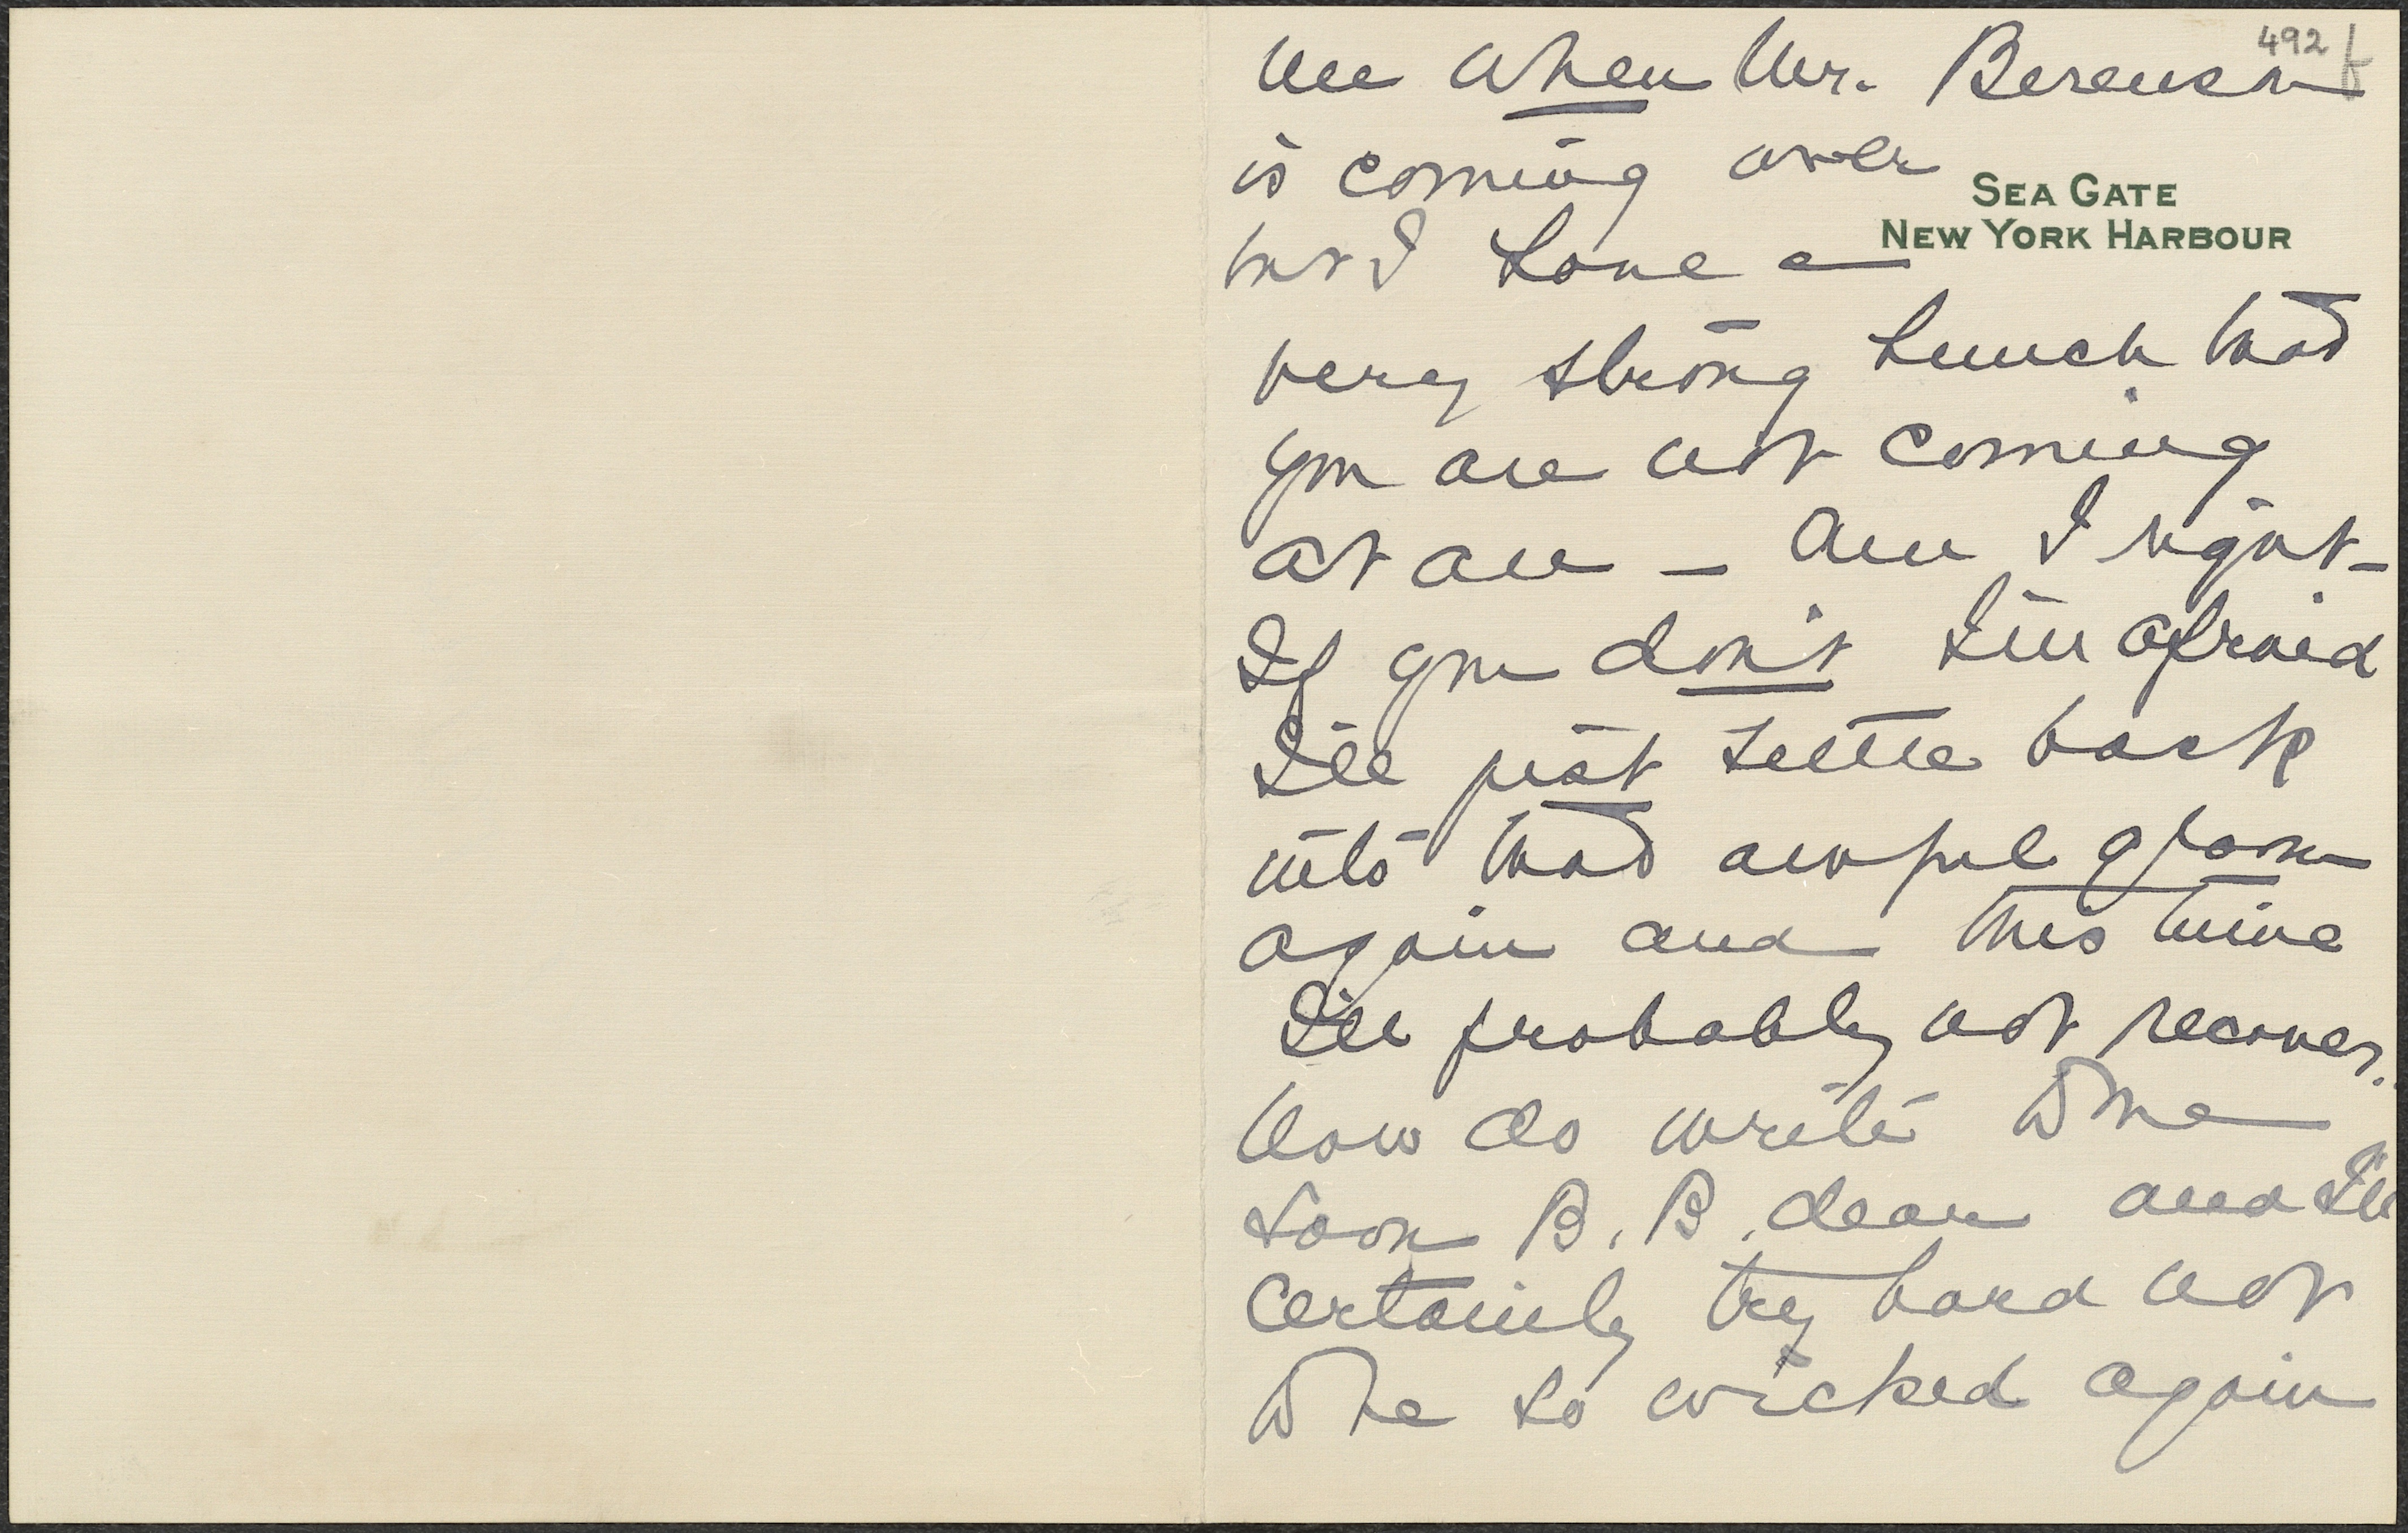me when Mr. Berenson is coming over but I have a very strong hunch that you are not coming at all – am I right – If you don't I'm afraid I'll just settle back into that awful gloom again and this time I'll probably not recover. Now do write to me soon B.B. dear and I'll certainly try hard not to be so wicked again